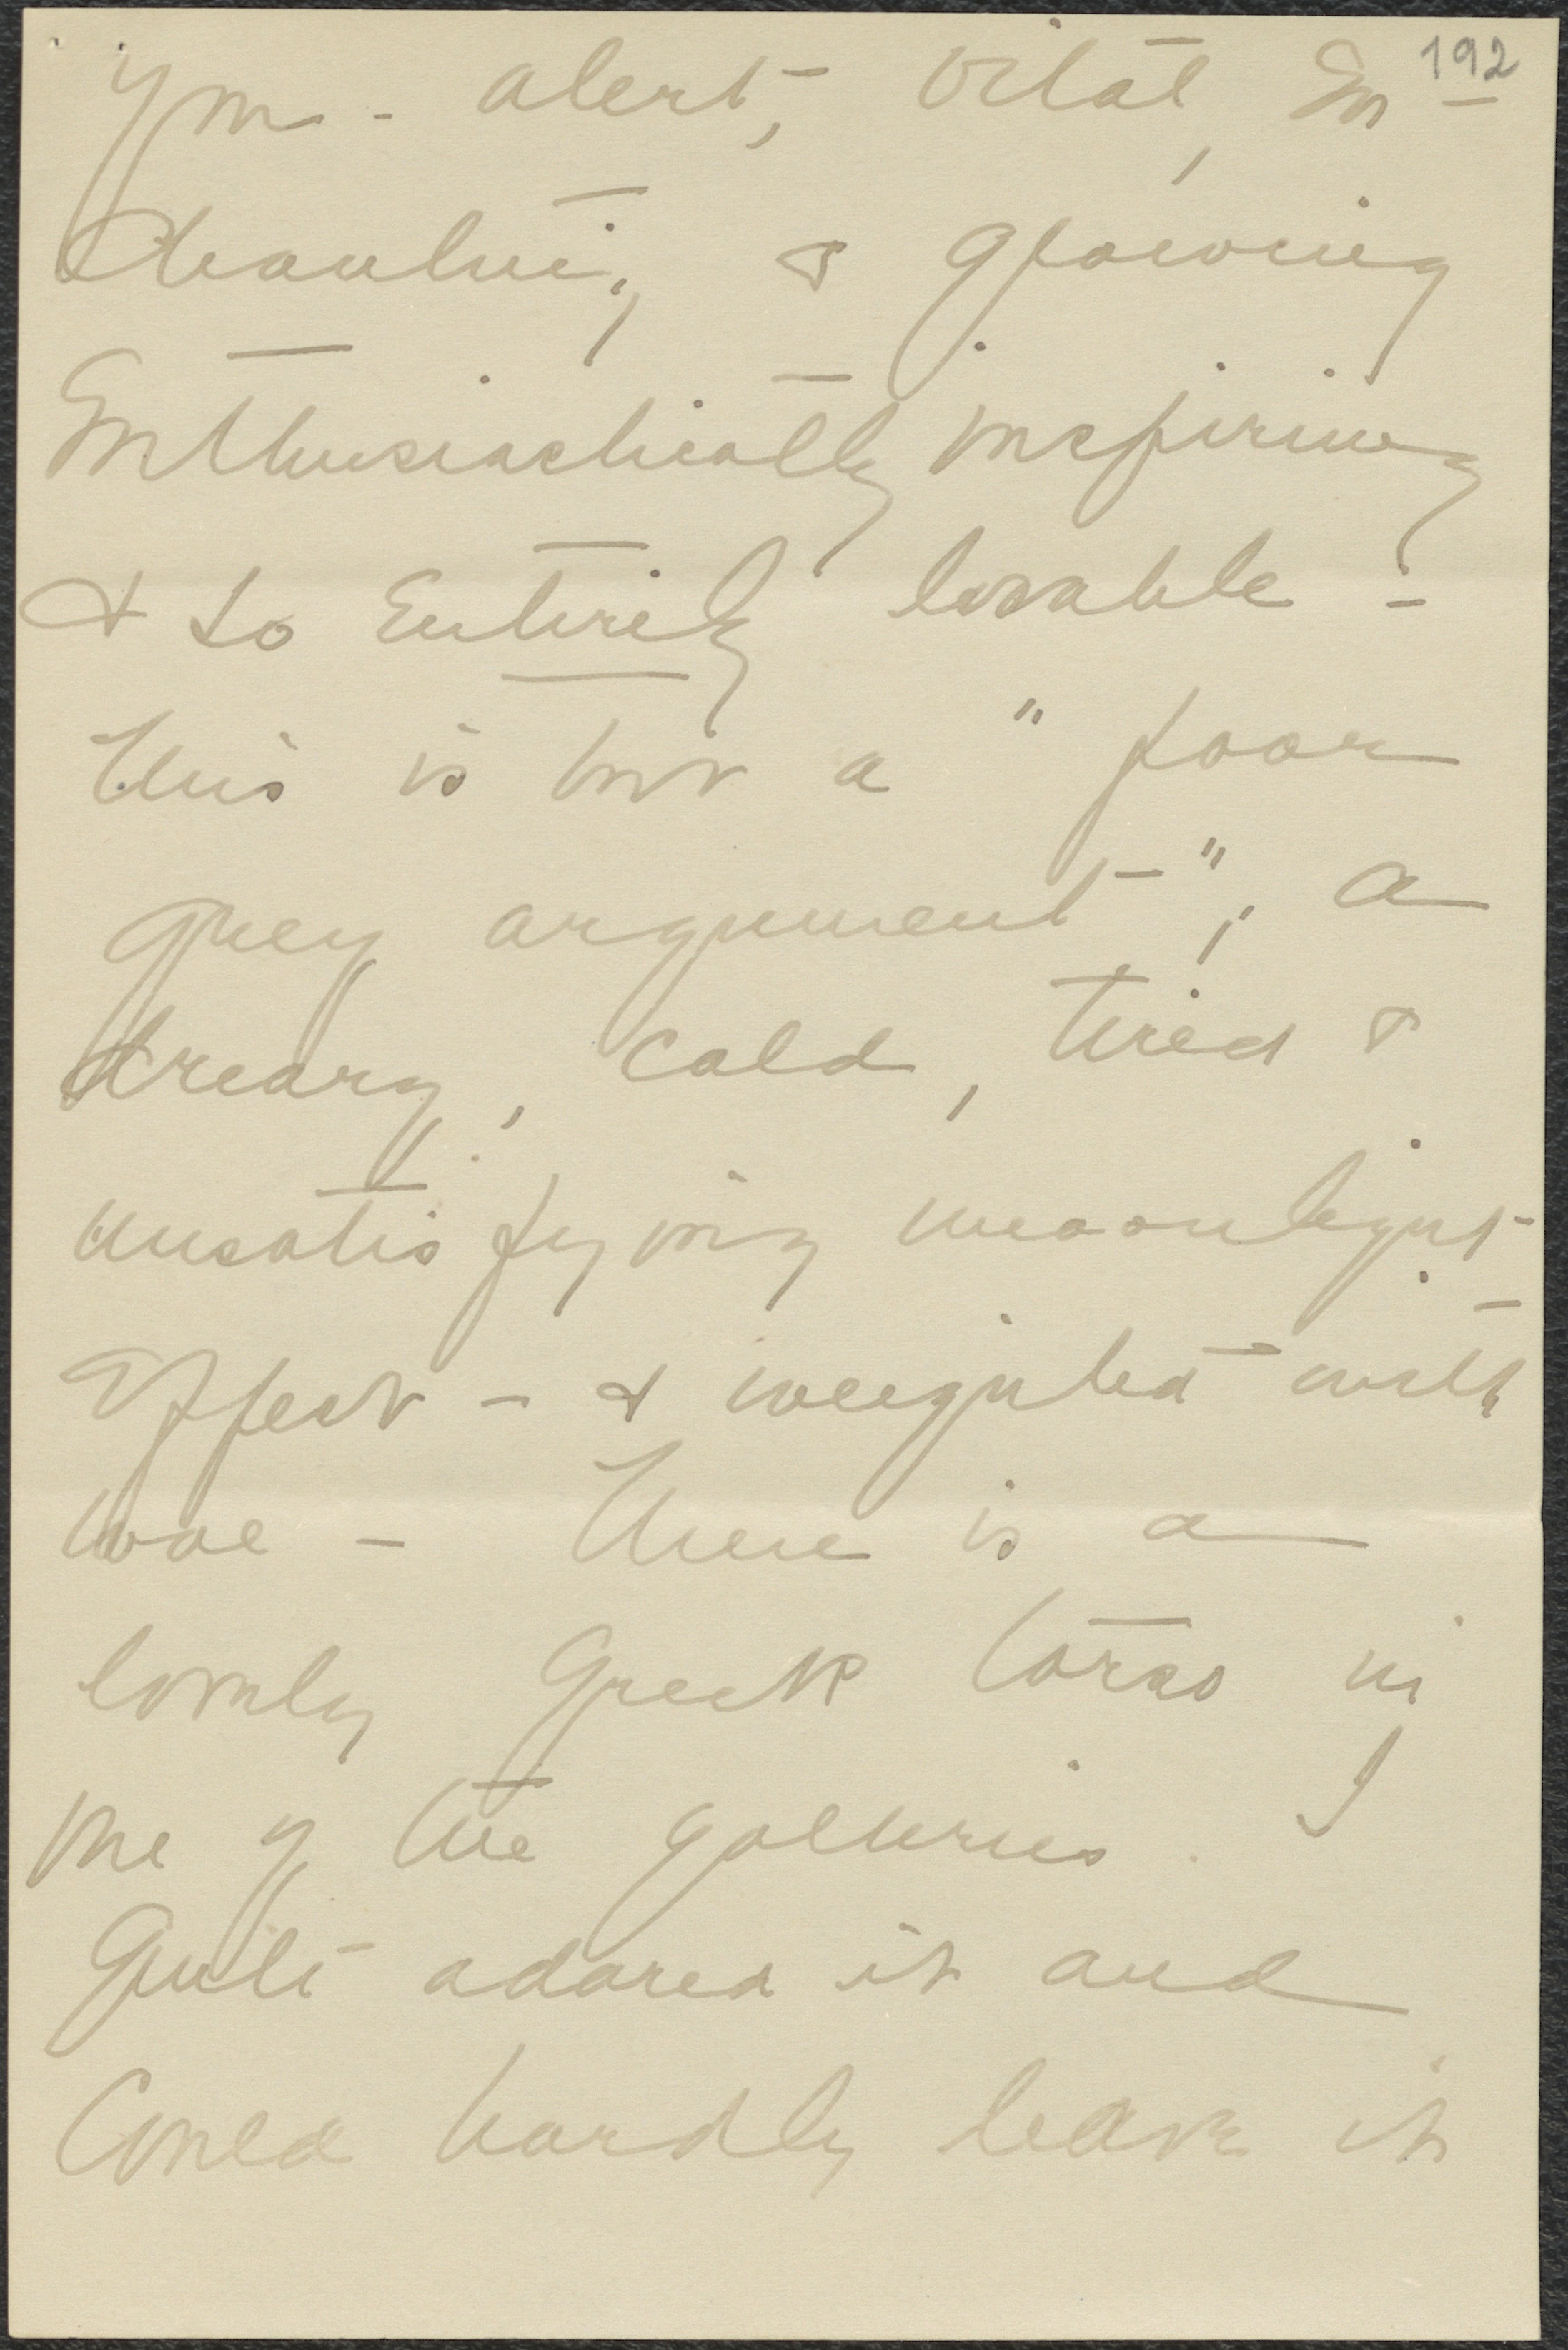you – alert, vital, enchanting & glowing enthusiastically inspiring & so entirely lovable – this is but a “poor grey argument” a dreary, cold, tired & unsatisfying moonlight effect – & weighted with love – There is a lovely Greek taras in one of the galleries. I quite adored it and could hardly leave it